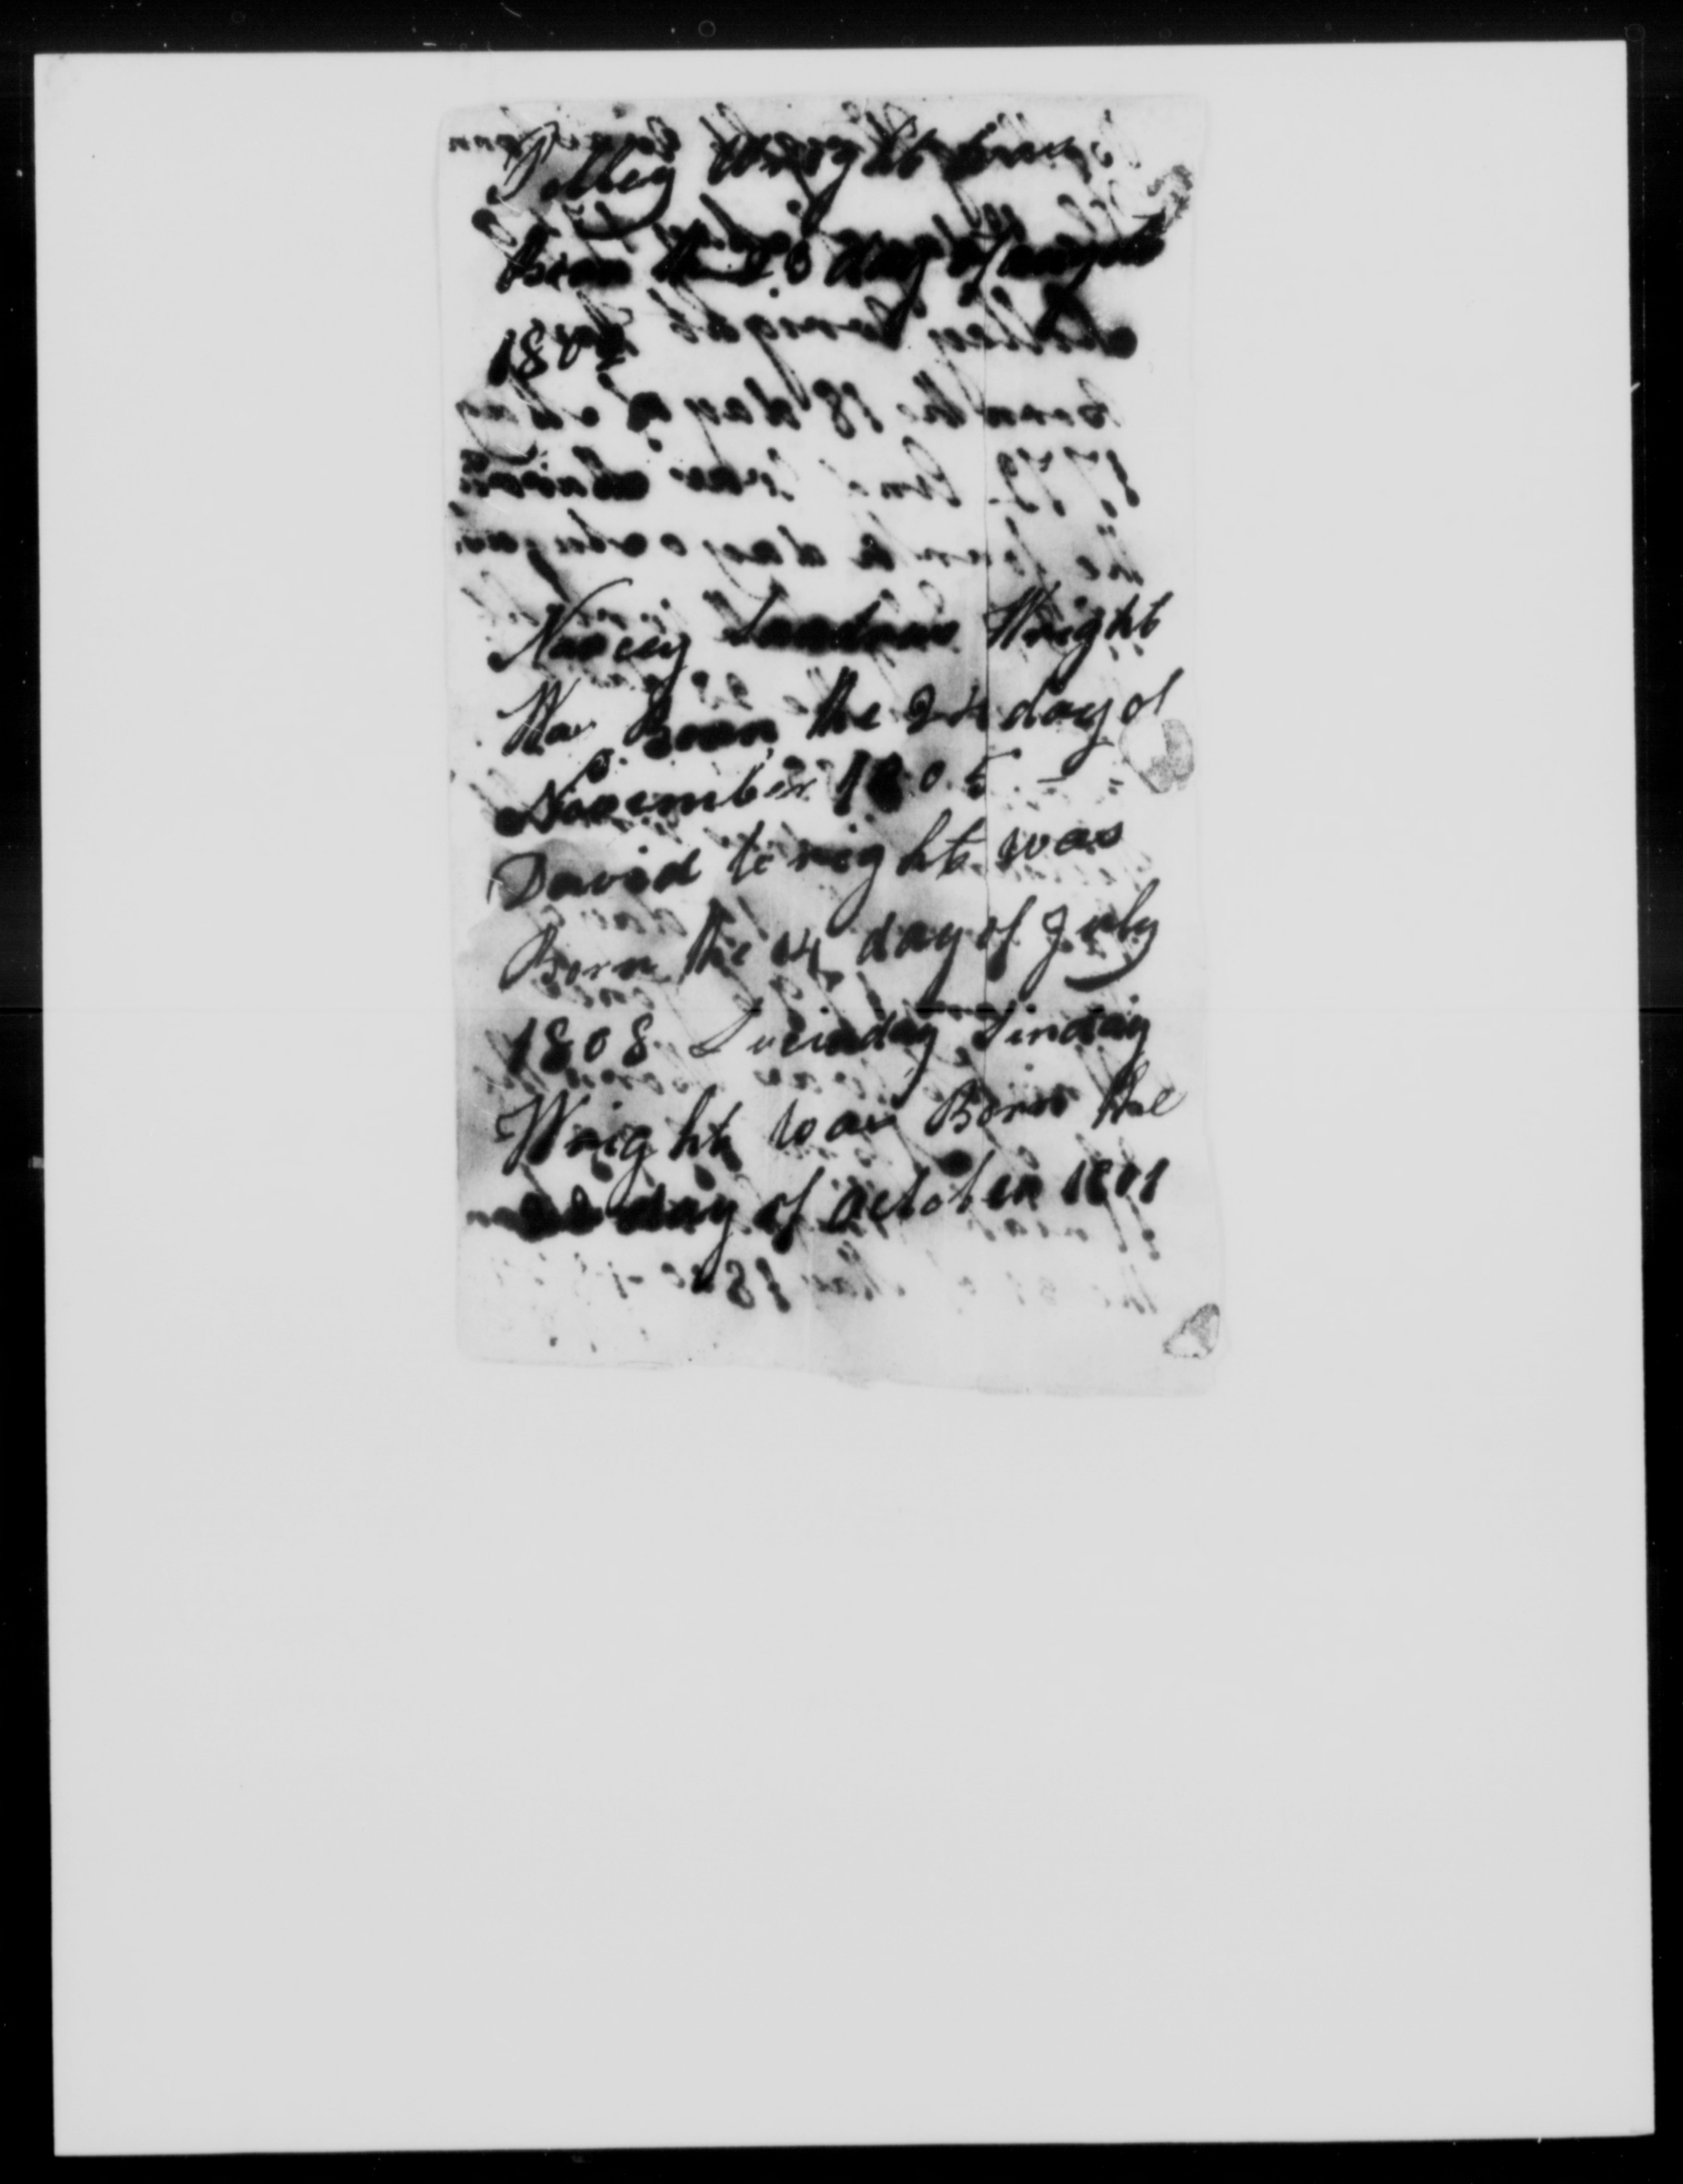Polley Wright born [illegible] day of August 1802

Nancy Wright Was Born the 2d day of November 1805
David Wright was Born the 4 day of July 1808 Lindey Wright was Born the [illegible] day of October 1811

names: Lindey Wright, Nancey Sanders Wright, David Wright, Pelleg Wright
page: 7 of 81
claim: widow's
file: W. 5183, Bolling Wright, Va.